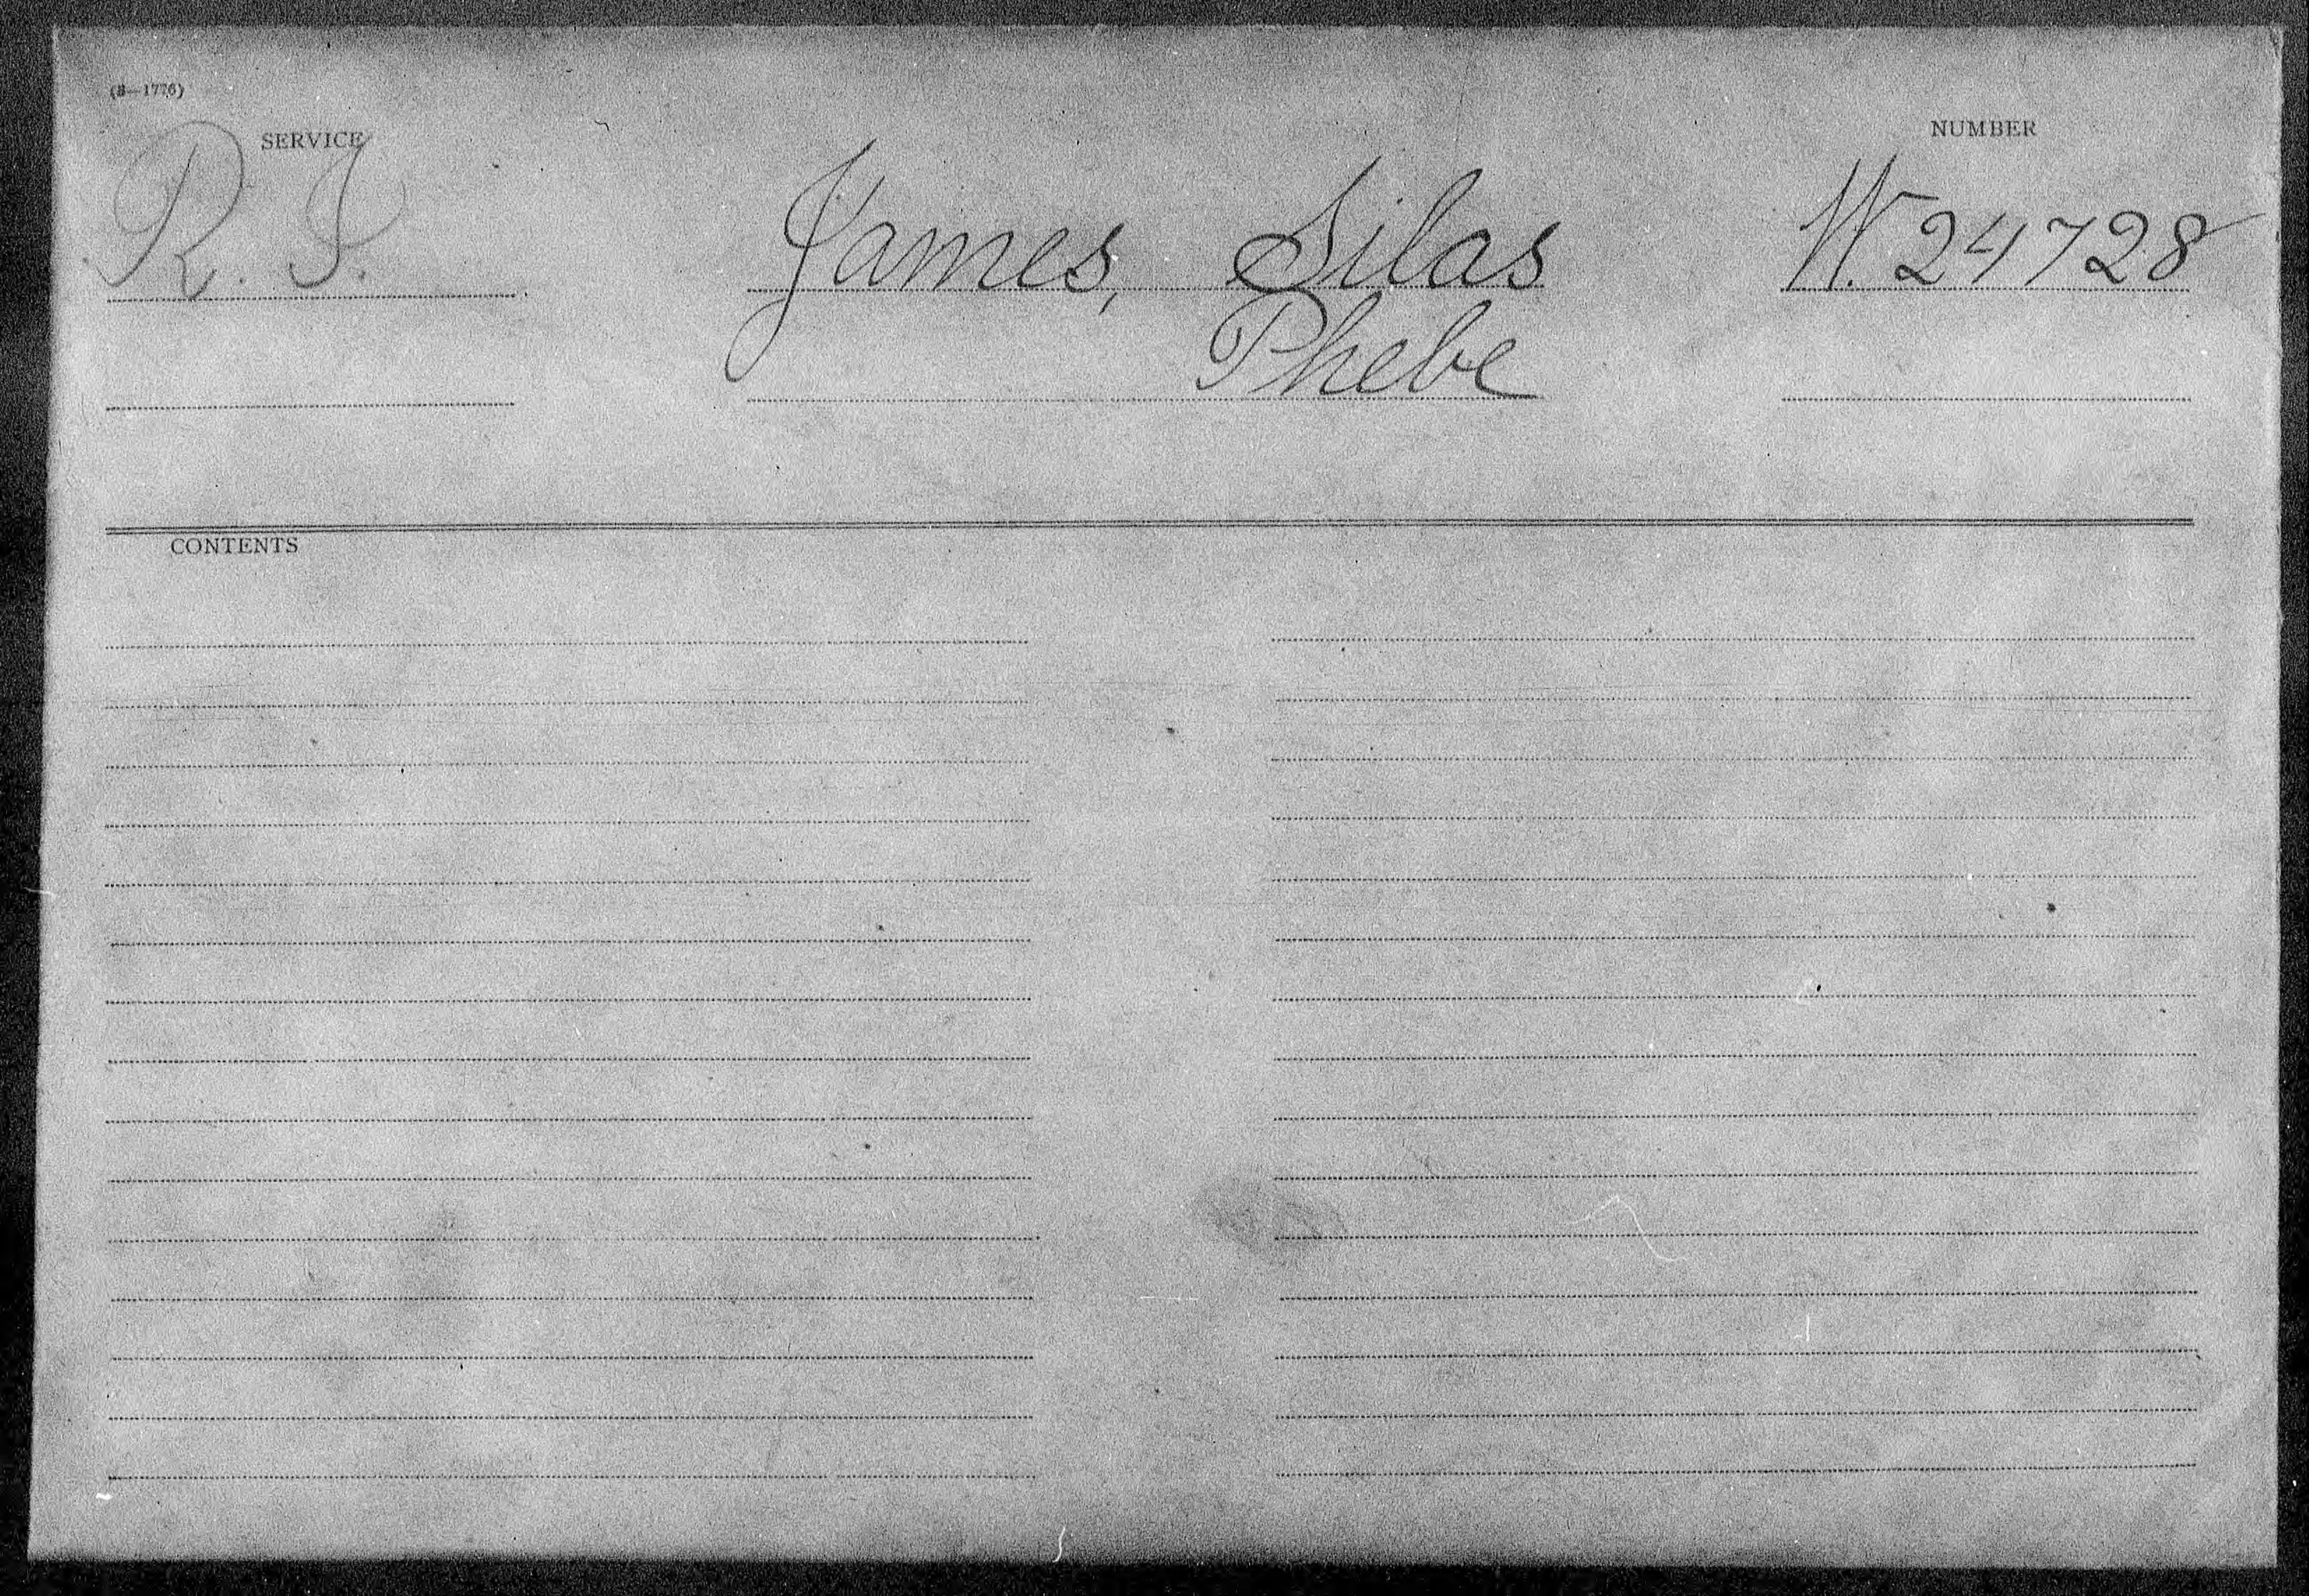(3-1776)

SERVICE
R.I.

James, Silas
Phebe

NUMBER
W. 24728

CONTENTS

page: 1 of 41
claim: widow's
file: W. 24728, for Silas James, Rhode Island